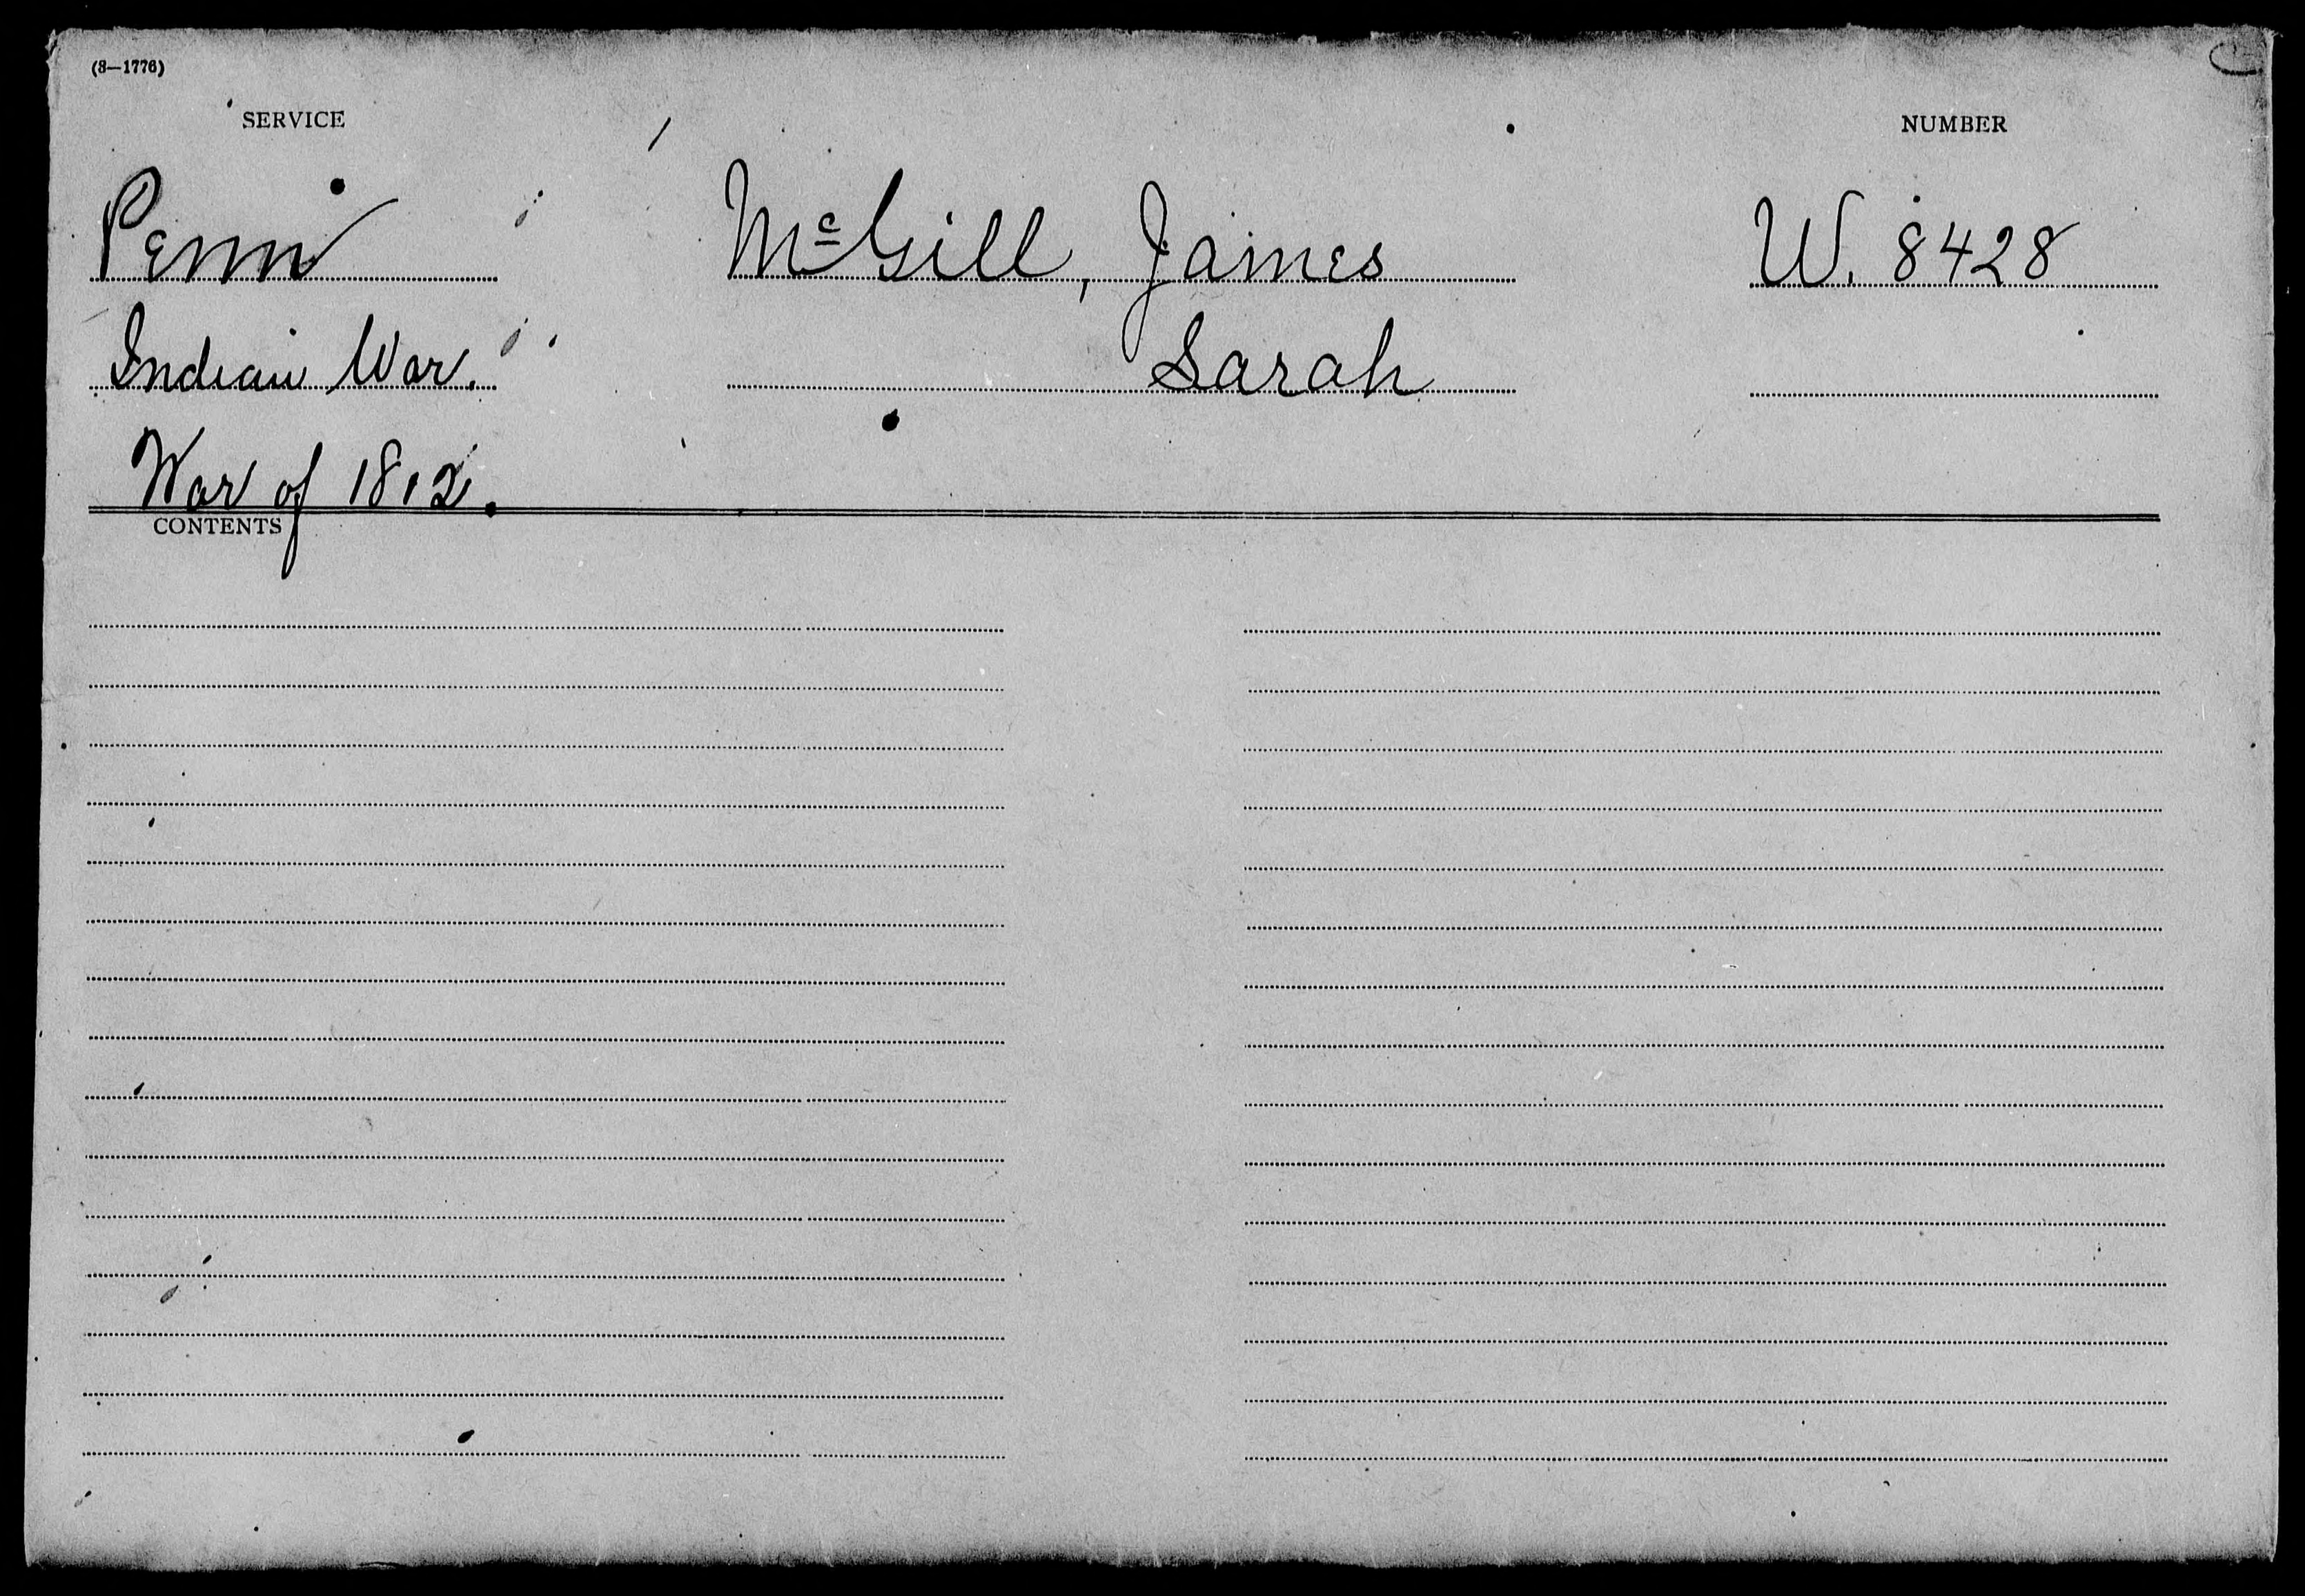[Cover]   
Service   Penn     
Indian War         War of 1812
James McGill   
            Sarah
Number     W8428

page: 1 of 71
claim: widow's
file: W. 8428, for James Mc Gill, Pennsylvania